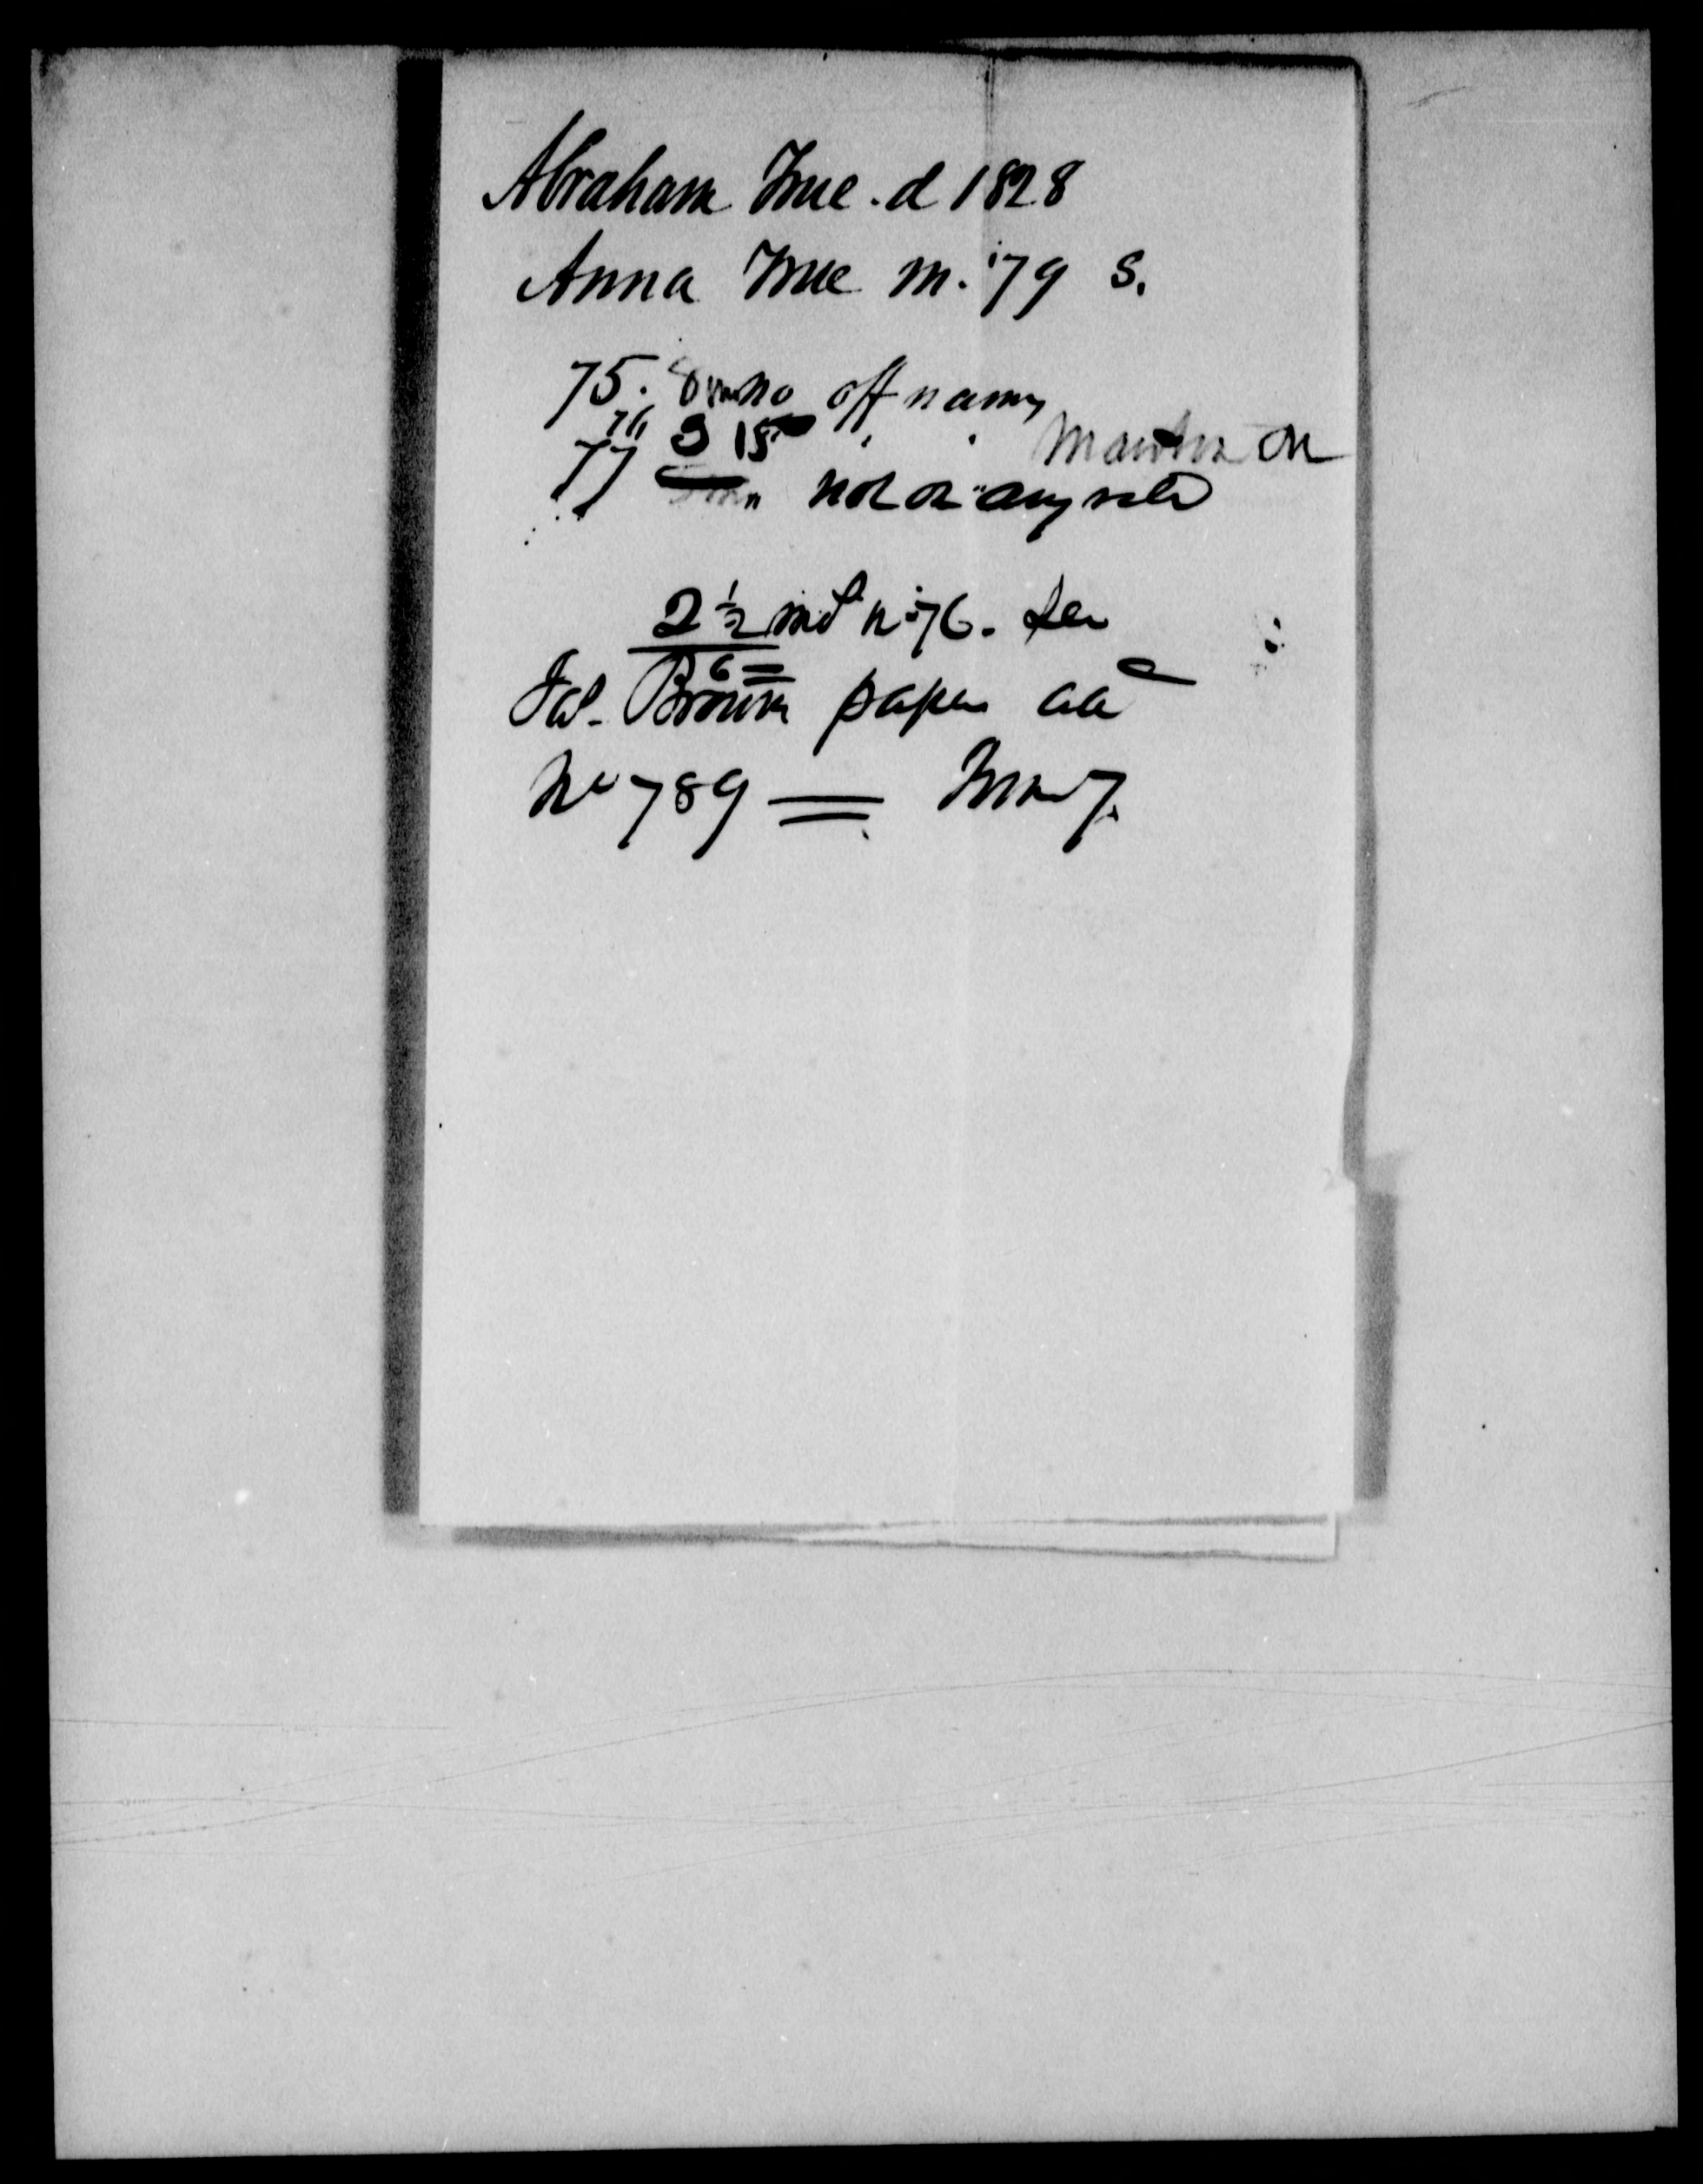Abraham True d. 1828
Anna True m. '79 S.
Illegible

2 1/2 mot with J W Brown paper
No 789 Mar 7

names: Anna True, Abraham True, Jas Brown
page: 14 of 24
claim: widow's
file: W. 16,451, Abraham True, N.H.